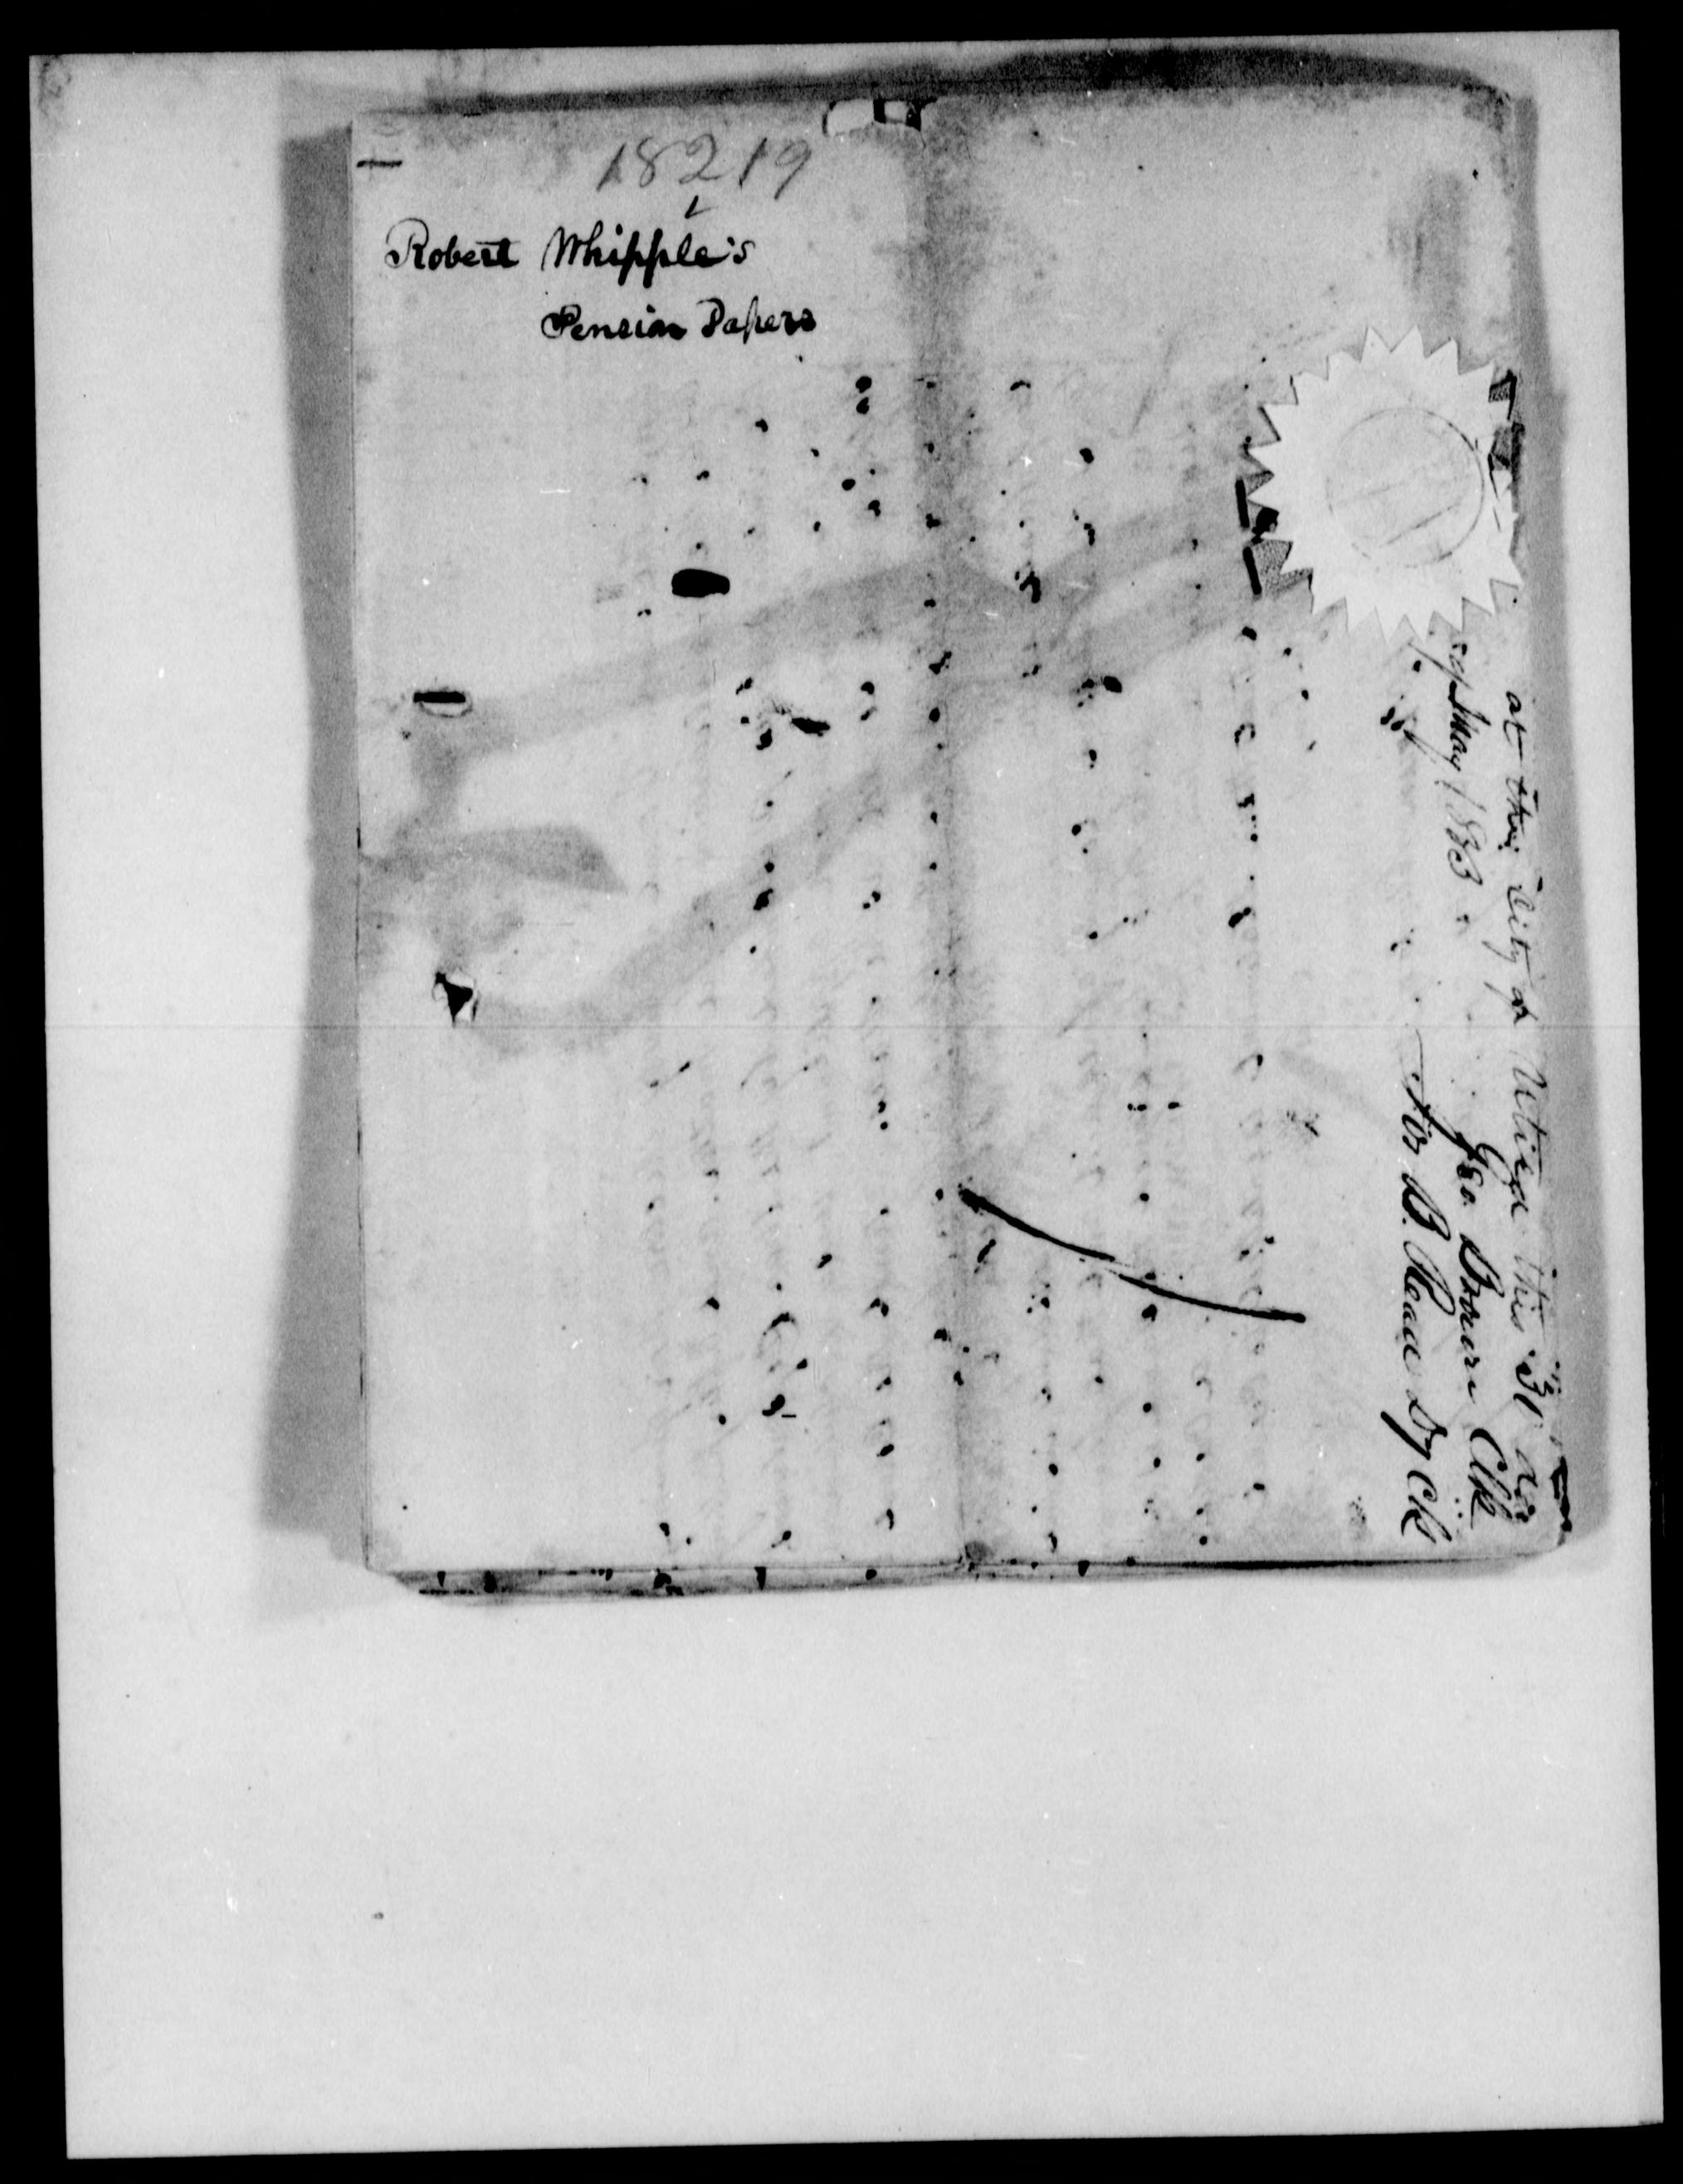18219

Robert Whipple's 
Pension Papers


at the City of Utica this 30 day of May 1833

Geo. Brown Clk
Jos B. Read Dy Clk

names: Robert Whipple, Geo Brown, Jos B Read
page: 5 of 18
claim: survivor's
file: S. 11731, Robert Whippel, Continental Mass R. I.